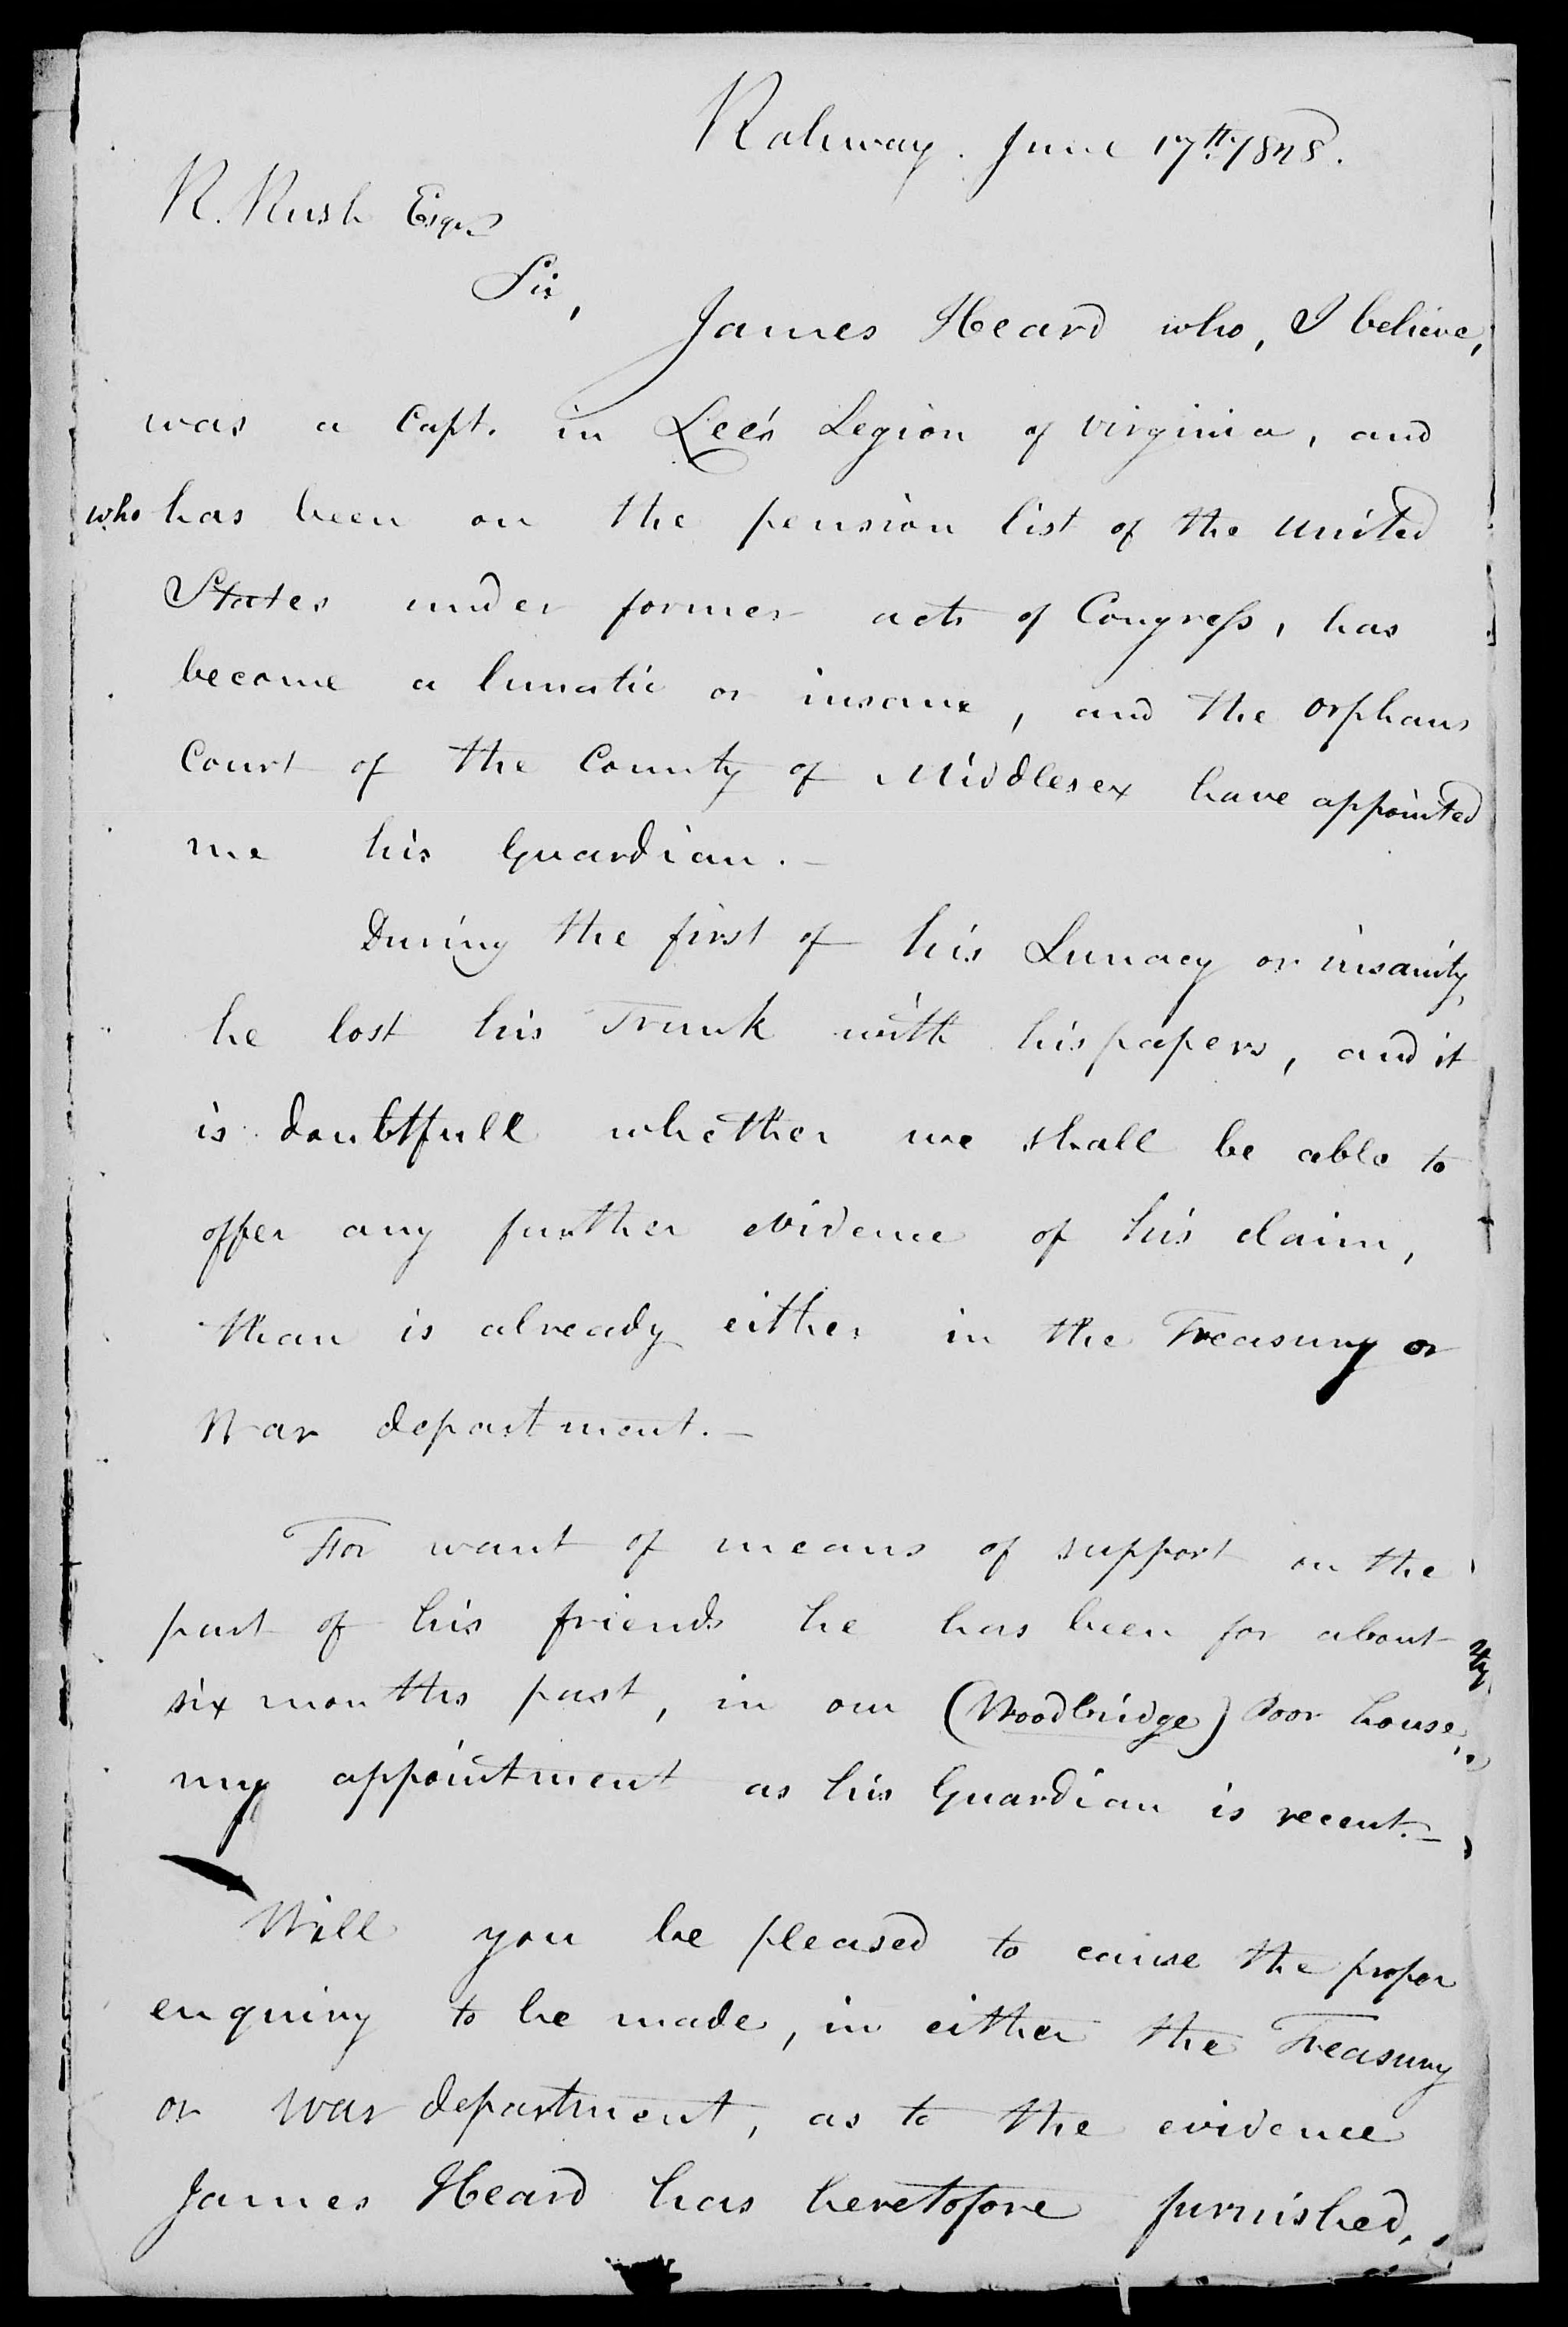R. Rush Esq. 

Sir, James Heard who, I believe, was a Capt. in Lee’s Legion of Virginia, and who has been on the pension of the United States under former act of Congress, has been a lunatic or insane, and the Orphan’s Court of the County of Middlesex have appointed me his Guardian. 

During the point of his lunacy or insanity, he lost his trunk with his papers, and it is doubtful whether we shall be able to offer any further evidence of his claim than is already either in the Treasury or the War Department. 

For want of means of support in the part of his friends, he has been for about six [illegible] this past, in our (Woodbridge) door house, my appointment as his Guardian is present. 

Will you be pleased to receive the paper inquiry to be made, in either the Treasury or the War Department, as to the evidence James Heard has heretofore furnished,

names: James Heard, R Rush, James Heard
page: 27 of 62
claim: survivor's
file: S. 540, James Heard, Continental - New Jersey Residence In 1818